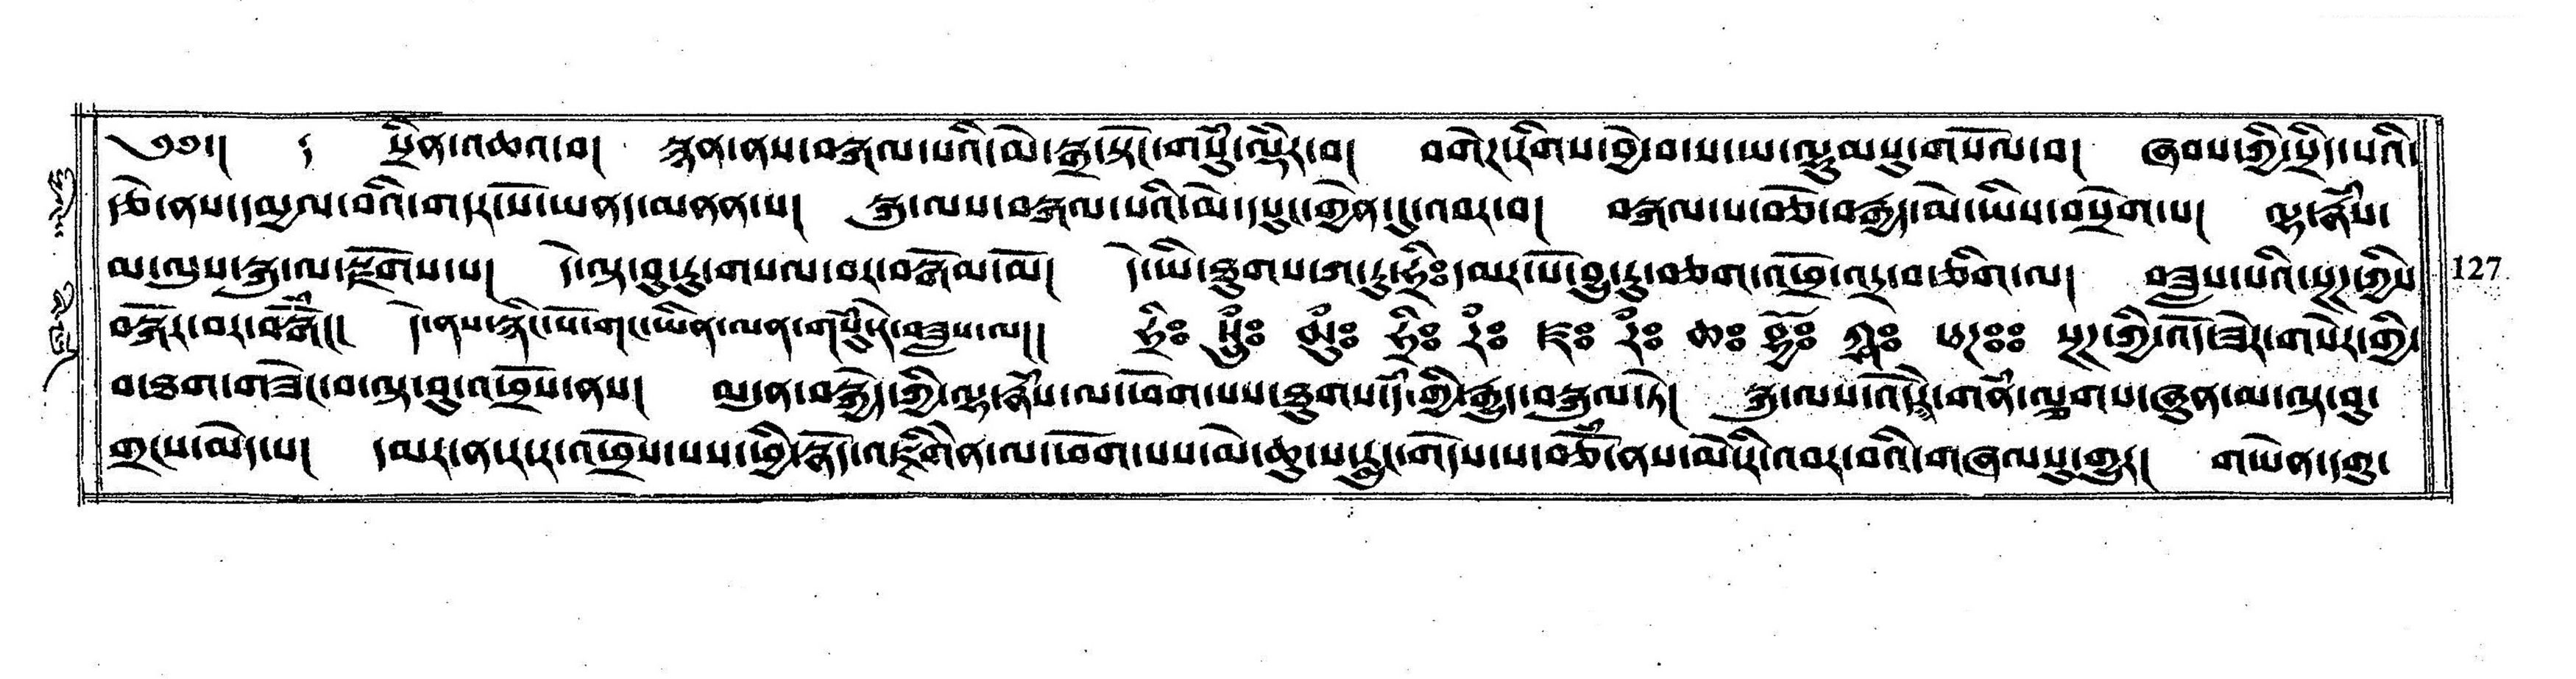སྲིན་འཆའ་བ། སྙན་ནས་བསྐལ་པའི་མེ་སྒྲ་སྟོང་གསུམ་ལྡིར་བ། བགེགས་རིགས་བྱེ་བ་ས་ཡ་ལྷུམསུ་གསོལ་བ། ཞབས་ཀྱི་སྲིད་པའི་
རྩེ་ནས་དམྱལ་བའི་གདར་སོ་ཡན་ཆད་མནན་པ། སྐུ་ལས་བསྐལ་པའི་མེ་དཔུང་གྱེན་དུ་འབར་བ། བསྐལ་པ་བཅོ་བརྒྱད་མེ་ཡིས་བསྲེག་པ། ལྷ་རྣམས་
མ་ལུས་སྐུ་ལ་རྫོགས་པ། དེ་ལྟ་བུ་རུ་གསལ་བར་བསྒོམ་མོ། དེ་ཡི་ཐུགས་ཀ་རུ་ཧྲིཿདམར་པོ་བྱུ་རུ་བཅག་འཕྲོ་འདྲ་བ་ཅིག་ལ། བཟླས་པའི་སྔགས་ཀྱིས་
བསྐོར་བར་བསྒོམ།། དེ་ནས་སྙིང་པོ་གང་ཡིན་ལན་གསུམ་རེ་བཟླས་ལ།། ཧྲིཿ སྲུཾཿ མུཾཿ ཧྲིཿ རཾཿ ཛཿ རཾཿ ཆཿ བྷྱོཿ ཀྴཿ ཕཊཿ སྔགས་ཀྱི་འོད་ཟེར་གསེར་གྱི་
བ་ཐག་གཟེང་བ་ལྟ་བུ་འཕྲོས་ནས། མདུན་བསྐྱེད་ཀྱི་ལྷ་རྣམས་ལ་ཕོག་པས་ཐུགས་དམ་གྱི་རྒྱུད་བསྐུལ་ཏེ། སྐུ་ལས་འོད་ཟེར་གནམ་ལྕགས་ཞུན་མ་ལྟ་བུ་
གྲངས་མེད་པ། དམར་ན་ར་ར་འཕྲོས་པས་ཕྱི་སྣོད་འཇིག་རྟེན་ལ་ཕོག་པས་མེ་ཆུ་ས་རླུང་གདོས་པ་བཅོམ་ནས་མེ་རི་འབར་བའི་གཞལ་ཡས་སུ་གྱུར། གཡེན་དགུ་